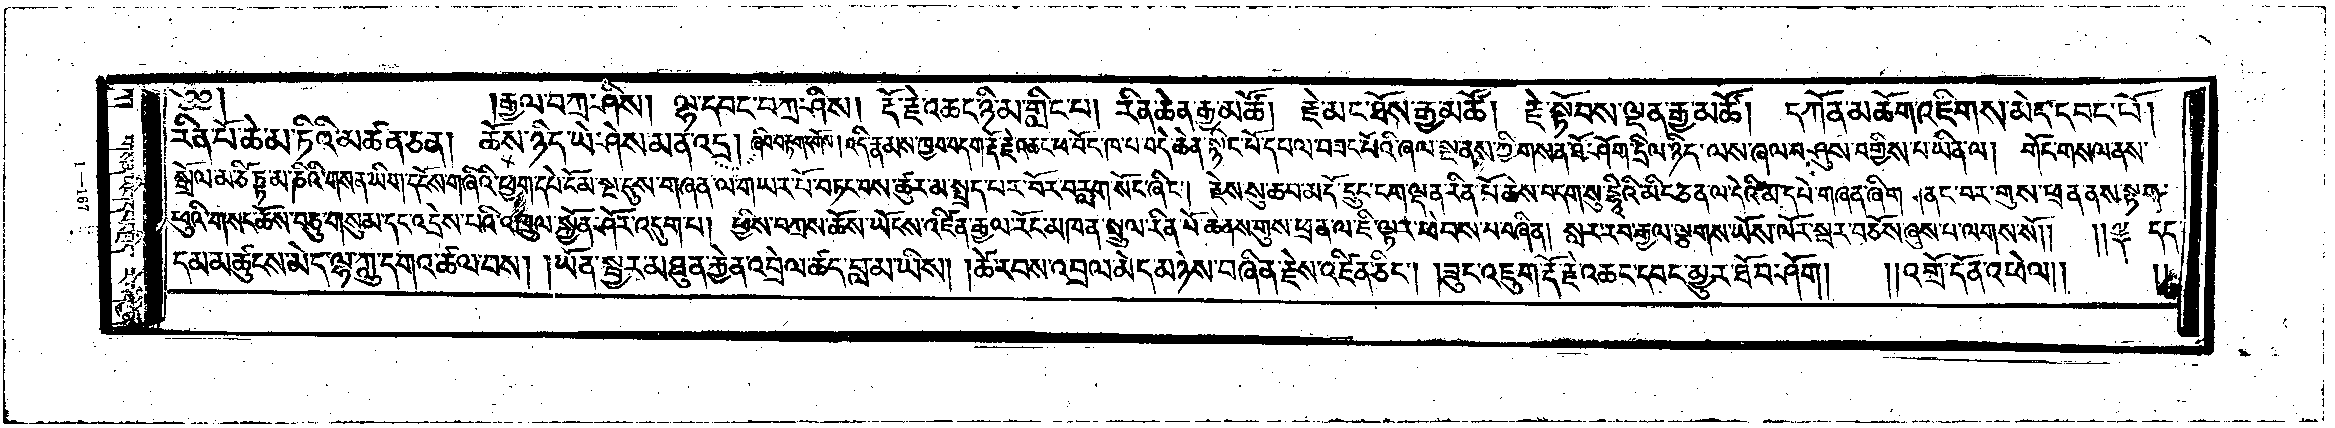༄༅། །རྒྱལ་བཀྲ་ཤིས། ལྷ་དབང་བཀྲ་ཤིས། རྡོ་རྗེ་འཆང་ཉི་མ་གླིང་པ། རིན་ཆེན་རྒྱ་མཚོ། རྗེ་མང་ཐོས་རྒྱ་མཚོ། རྗེ་སྟོབས་ལྡན་རྒྱ་མཚོ། དཀོན་མཆོག་འཇིགས་མེད་དབང་པོ།
རིན་པོ་ཆེ་མ་ཏིའི་མཚན་ཅན། ཆོས་ཉིད་ཡེ་ཤེས་མན་འདྲ། ཞིབ་བརྟག་དགོས་།འདི་རྣམས་ཁྱབ་བདག་རྡོ་རྗེ་འཆག་ཕ་བོང་ཁ་པ་བདེ་ཆེན་སྙིང་པོ་དཔལ་བཟང་པོའི་ཞལ་སྔ་ནས་ཀྱི་གསན་ཐོ་ཤོག་དྲིལ་ཉིད་ལས་ཞལ་བཤུས་བགྱིས་པ་ཡིན་ལ། གོང་གསལ་ནས་
སྒྲོལ་མ་ཙིཏྟ་མ་ཎིའི་གསན་ཡིག་དངོས་གཞིའི་ཕྱག་དཔེ་ངོ་མ་སྔ་དུས་གཞན་ལ་གཡར་པོ་བཏང་བས་ཚུར་མ་སྤྲད་པར་བོར་བརླག་སོང་ཞིང་། རྗེས་སུ་ཆབ་མདོ་དྲུང་ངག་ལྡན་རིན་པོ་ཆེས་བདག་སུ་དྷཱིའི་མིང་ཅན་ལ་དེའི་མ་དཔེ་གཞན་ཞིག་གནང་བར་གུས་ཕྲན་ནས་སྟག་
ཕུའི་གསང་ཆོས་བཅུ་གསུམ་དང་འདྲེས་པའི་འཁྲུལ་སྐྱོན་ཤོར་འདུག་པ། ཕྱིས་བཀྲས་ཆོས་ཡོངས་འཛིན་རྒྱལ་རོང་མཁན་སྤྲུལ་རིན་པོ་ཆེ་ནས་གུས་ཕྲན་ལ་ཇི་ལྟར་ཕེབས་པ་བཞིན། སླར་རབ་རྒྱལ་ལྕགས་ཡོས་ལོར་སྦར་བཅོས་ཞུས་པ་ལགས་སོ།། །། ༈ དད་
དམ་མཚུངས་མེད་ལྷ་ཀླུ་དགའ་ཚལ་བས། །ཡོན་སྦྱར་མཐུན་རྐྱེན་འབྲེལ་ཚད་བླ་མ་ཡིས། །ཚེ་རབས་འབྲལ་མེད་མཉེས་བཞིན་རྗེས་འཛིན་ཅིང་། །ཟུང་འཇུག་རྡོ་རྗེ་འཆང་དབང་མྱུར་ཐོབ་ཤོག། །།འགྲོ་དོན་འཕེལ།། །།